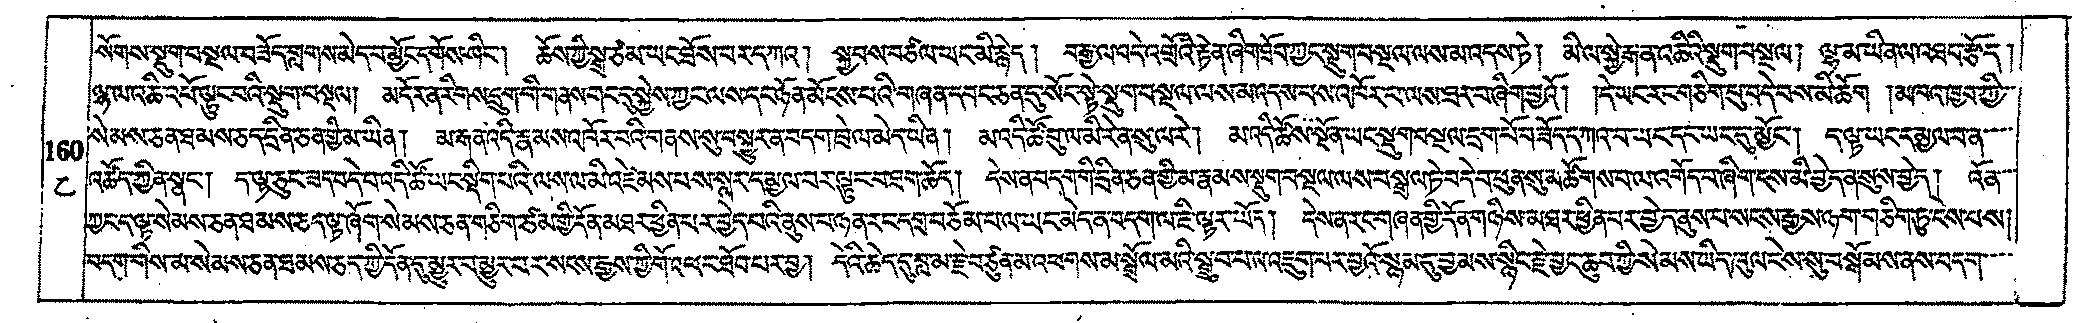སོགས་སྡུག་བསྔལ་བཟོད་གླགས་མེད་པ་མྱོང་དགོས་ཤིང་། ཆོས་ཀྱི་སྒྲ་ཙམ་ཡང་ཐོས་པར་དཀའ། སྐྱབས་བཙལ་ཡང་མི་རྙེད། བརྒྱ་ལ་བདེ་འགྲོའི་རྟེན་ཞིག་ཐོབ་ཀྱང་སྡུག་བསྔལ་ལས་མ་འདས་ཏེ། མི་ལ་སྐྱེ་རྒ་ན་འཆིའི་སྡུག་བསྔལ། ལྷ་མ་ཡིན་ལ་འཐབ་རྩོད།
ལྷ་ལ་འཆི་འཕོ་ལྟུང་བའི་སྡུག་བསྔལ། མདོར་ན་རིགས་དྲུག་གི་གནས་གང་དུ་སྐྱེས་ཀྱང་ལས་དང་ཉོན་མོངས་པའི་གཞན་དབང་ཅན་དུ་སོང་སྟེ་སྡུག་བསྔལ་ལས་མ་འདས་པས་འཁོར་བ་ལས་ཐར་བ་ཞིག་བྱའོ། །དེ་ཡང་རང་གཅིག་པུ་བདེ་བས་མི་ཆོག །མཁའ་ཁྱབ་ཀྱི་་་
སེམས་ཅན་ཐམས་ཅད་དྲིན་ཅན་གྱི་མ་ཡིན། མ་རྒན་འདི་རྣམས་འཁོར་བའི་གནས་སུ་བསྐྱུར་ན་བདག་ཁྲེལ་མེད་ཡིན། མ་འདི་ཚོ་བུ་ལ་མི་རེ་ན་སུ་ལ་རེ། མ་འདི་ཚོས་སྔོན་ཡང་སྡུག་བསྔལ་དྲག་པོ་བཟོད་དཀའ་བ་ཡང་དང་ཡང་དུ་མྱོང་། ད་ལྟ་ཡང་དམྱལ་བ་ན་་་
འཚོད་ཀྱིན་སྣང་། ད་ལྟ་ཅུང་ཟད་བདེ་བ་འདི་ཚོ་ཡང་སྡིག་པའི་ལས་ལ་མི་འཛེམས་པས་སླར་དམྱལ་བར་ལྟུང་བ་ཐག་ཆོད། དེས་ན་བདག་གི་དྲིན་ཅན་གྱི་མ་རྣམས་སྡུག་བསྔལ་ལས་བསྒྲལ་ཏེ་བདེ་བ་ཕུན་སུམ་མཚོགས་པ་ལ་འགོད་པ་ཞིག་ངས་མི་བྱེད་ན་སུས་བྱེད། འོན་་་
ཀྱང་ད་ལྟ་སེམས་ཅན་ཐམས་ཅད་ལྟ་ཞོག་སེམས་ཅན་གཅིག་ཙམ་གྱི་དོན་མཐར་ཕྱིན་པར་བྱེད་པའི་ནུས་པ་ཉན་རང་དགྲ་བཅོམ་པ་ལ་ཡང་མེད་ན་བདག་ལ་ཇི་ལྟར་ཡོད། དེས་ན་རང་གཞན་གྱི་དོན་གཉིས་མཐར་ཕྱིན་པར་བྱེད་ནུས་པ་སངས་རྒྱས་ཉག་གཅིག་ཏུ་ངེས་པས།
བདག་གིས་མ་སེམས་ཅན་ཐམས་ཅད་ཀྱི་དོན་དུ་མྱུར་བ་མྱུར་བར་སངས་རྒྱས་ཀྱི་གོ་འཕང་ཐོབ་པར་བྱ། དེའི་ཆེད་དུ་བླ་མ་རྗེ་བཙུན་མ་འཕགས་མ་སྒྲོལ་མའི་སྒྲུབ་པ་ལ་འཇུག་པར་བྱའོ་སྙམ་དུ་བྱམས་སྙིང་རྗེ་བྱང་ཆུབ་ཀྱི་སེམས་ཡིད་ཁུལ་ངེས་སུ་བསྒོམས་ནས་བདག་་་